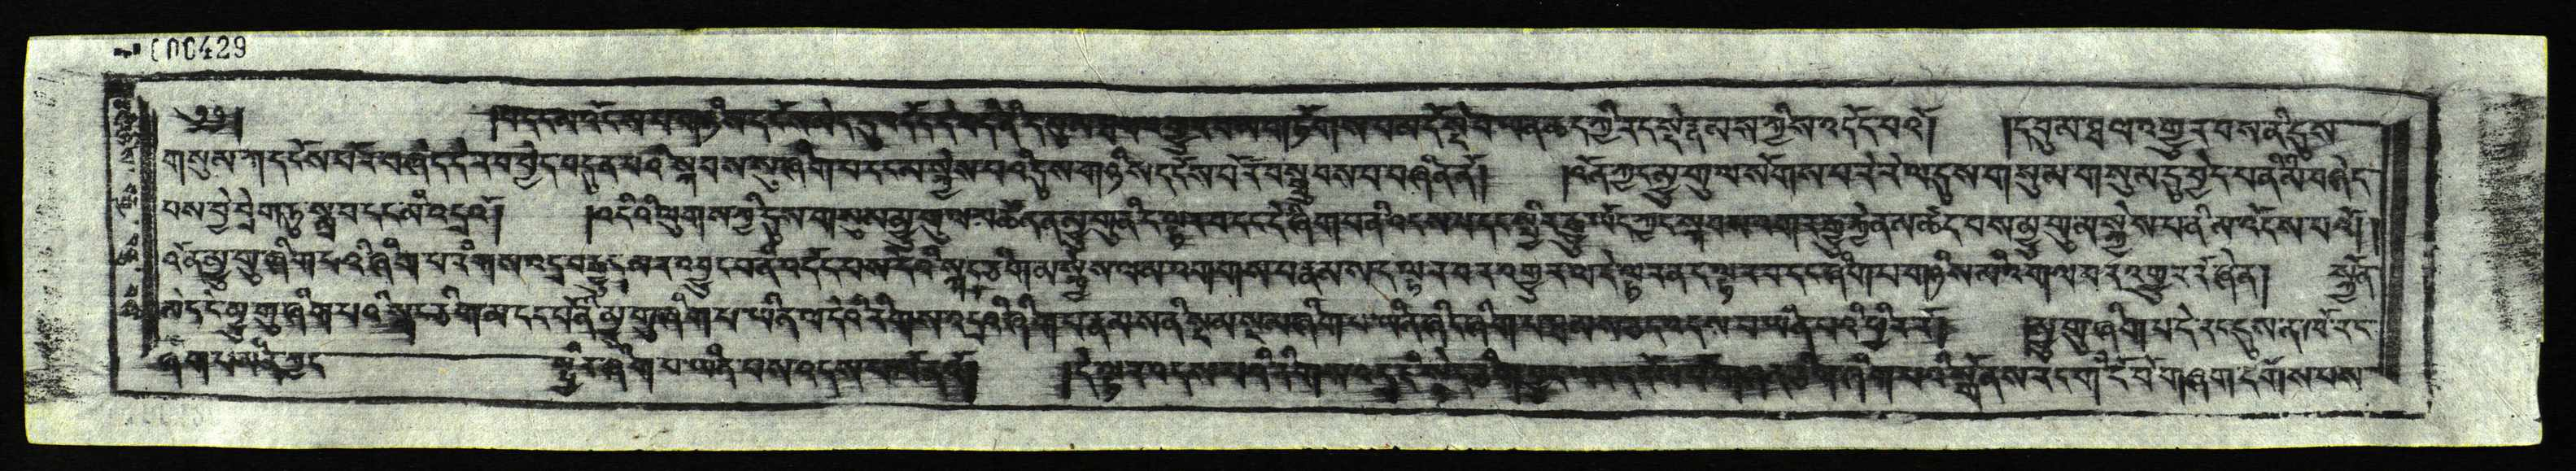༄༅། །པ་དང་མ་འོངས་པ་གཉིས་དངོས་མེད་དུ་འདོད་དེ་འདི་ནི་དབུ་མ་ཐལ་འགྱུར་བ་མ་གཏོགས་པ་མདོ་སྡེ་པ་ཡན་ཆད་ཀྱི་རང་སྡེ་རྣམས་ཀྱིས་འདོད་པའོ། །དབུ་མ་ཐལ་འགྱུར་བས་ནི་དུས་
གསུམ་ཀ་དངོས་པོར་བཞེད་དེ་རབ་བྱེད་བདུན་པའི་སྐབས་སུ་ཞིག་བ་རང་མ་སྐྱེས་པའི་དུས་གཉིས་དངོས་པོར་བསྒྲུབས་པ་བཞིན་ནོ། །འོན་ཀྱང་མྱུ་གུ་ལ་སོགས་པ་རེ་རེ་ལ་དུས་གསུམ་གསུམ་དུ་བྱེད་པ་ནི་མི་བཞེད་
པས་བྱེ་བྲེག་ཏུ་སྨྲ་བ་དང་མི་འདྲའོ། །འདིའི་ལུགས་ཀྱི་དུས་གསུམ་མྱུ་གུ་ལ་མཚོན་ན་མྱུ་གུ་ནི་ད་ལྟར་བ་དང་དེ་ཞིག་པ་ནི་འདས་པ་དང་སྤྱིར་རྒྱུ་ཡོད་ཀྱང་སྐབས་འགའ་རྒྱུ་རྐྱེན་མ་ཚང་བས་མྱུ་གུ་མ་སྐྱེས་པ་ནི་མ་འོངས་པའོ།།
འོ་ན་མྱུ་གུ་ཞིག་པའི་ཞིག་པ་རིགས་འདྲ་བརྒྱུད་མར་འབྱུང་བ་ནི་འདོད་པས་དེའི་སྐད་ཅིག་མ་སྐྱེས་ལ་མ་འགགས་པ་རྣམས་ད་ལྟར་བར་འགྱུར་ལ་དེ་ལྟར་ན་ད་ལྟར་བ་དང་ཞིག་པ་གཉིས་མི་འགལ་བར་འགྱུར་རོ་ཞེ་ན། སྐྱོན་
མེད་དེ་མྱུ་གུ་ཞིག་པའི་སྐད་ཅིག་མ་དང་པོ་ནི་མྱུ་གུ་ཞིག་པ་ཡིན་ལ་དེའི་རིགས་འདྲའི་ཞིག་པ་རྣམས་ནི་སྔ་མ་སྔ་མ་ཞིག་པ་ཡིན་ཞིང་ཞིག་པ་ཐམས་ཅད་འདས་པ་ཡིན་པའི་ཕྱིར་རོ། །མྱུ་གུ་ཞིག་པ་དེ་རང་དུས་ན་ཁོ་རང་
ཞག་པ་མིན་ཀྱང་སྤྱིར་ཞིག་པ་ཡིན་པས་འདས་པ་ཁོ་ནའོ།། །དེ་ལྟར་འདས་པའི་རིགས་འདྲ་ཇི་སྙེད་ཅིག་གྱུར?་ཡང་དངོས་པོ་གཞན་ཅིག་ཞིག་པའི་སྒོ་ནས་རང་གི་ངོ་བོ་གཞག་དགོས་པས་